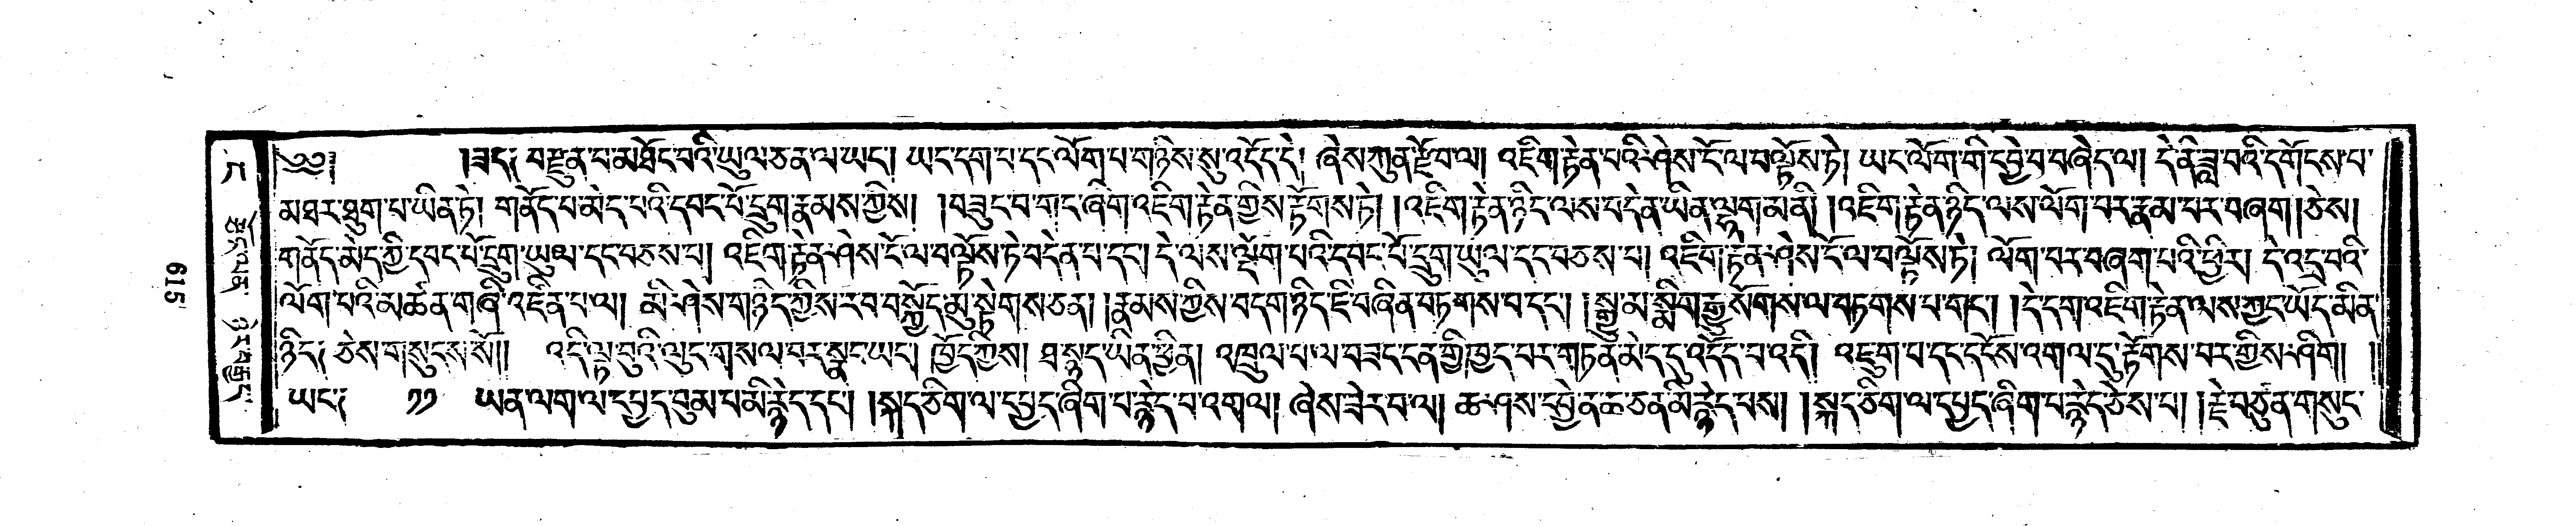༄༅། །ཟད༑ བརྫུན་པ་མཐོང་བའི་ཡུལ་ཅན་ལ་ཡང་། ཡང་དག་པ་དང་ལོག་པ་གཉིས་སུ་འདོད་དེ། ཞེས་ཀུན་རྫོབ་ལ། འཇིག་རྟེན་པའི་ཤེས་ངོ་ལ་བལྟོས་ཏེ། ཡང་ལོག་གི་དབྱེ་བ་བཞེད་ལ། དེ་ནི་ཟླ་བའི་དགོངས་པ་
མཐར་ཐུག་པ་ཡིན་ཏེ། གནོད་པ་མེད་པའི་དབང་པོ་དྲུག་རྣམས་ཀྱིས། །བཟུང་བ་གང་ཞིག་འཇིག་རྟེན་གྱིས་རྟོགས་ཏེ། །འཇིག་རྟེན་ཉིད་ལས་བདེན་ཡིན་ལྷག་མ་ནི། །འཇིག་རྟེན་ཉིད་ལས་ལོག་པར་རྣམ་པར་བཞག །ཅེས།
གནོད་མེད་ཀྱི་དབང་པོ་དྲུག་ཡུལ་དང་བཅས་པ། འཇིག་རྟེན་ཤེས་ངོ་ལ་བལྟོས་ཏེ་བདེན་པ་དང་། དེ་ལས་ལྡོག་པའི་དབང་པོ་དྲུག་ཡུལ་དང་བཅས་པ། འཇིག་རྟེན་ཤེས་ངོ་ལ་བལྟོས་ཏེ། ལོག་པར་བཞག་པའི་ཕྱིར། དེ་འདྲ་བའི་
ལོག་པའི་མཚན་གཞི་འཛིན་པ་ལ། མི་ཤེས་གཉིད་ཀྱིས་རབ་བསྐྱོད་མུ་སྟེགས་ཅན། །རྣམས་ཀྱིས་བདག་ཉིད་ཇི་བཞིན་བཏགས་པ་དང་། །སྒྱུ་མ་སྨིག་རྒྱུ་སོགས་ལ་བཏགས་པ་གང་། །དེ་དག་འཇིག་རྟེན་ལས་ཀྱང་ཡོད་མིན་
ཉིད༑ ཅེས་གསུངས་སོ།། འདི་ལྟ་བུའི་ལུང་གསལ་བར་སྣང་ཡང་། ཁྱོད་ཀྱིས། ཐ་སྙད་ཡིན་ཕྱིན། འཁྲུལ་པ་ལ་བཟང་ངན་གྱི་ཁྱད་པར་གཏན་མེད་དུ་འདོད་པ་འདི། འཇུག་པ་དང་དངོས་འགལ་དུ་རྟོགས་པར་གྱིས་ཤིག ། །།
ཡང༑ ༡༡་ཡན་ལག་ལ་དཔྱད་བུམ་པ་མི་རྙེད་དང་། །སྐད་ཅིག་ལ་དཔྱད་ཞིག་པ་རྙེད་པ་འགལ། ཞེས་ཟེར་བ་ལ། ཆ་ཤས་དབྱེ་ན་ཆ་ཅན་མི་རྙེད་པས། །སྐད་ཅིག་ལ་དཔྱད་ཞིག་པ་རྙེད་ཅེས་པ། །རྗེ་བཙུན་གསུང་